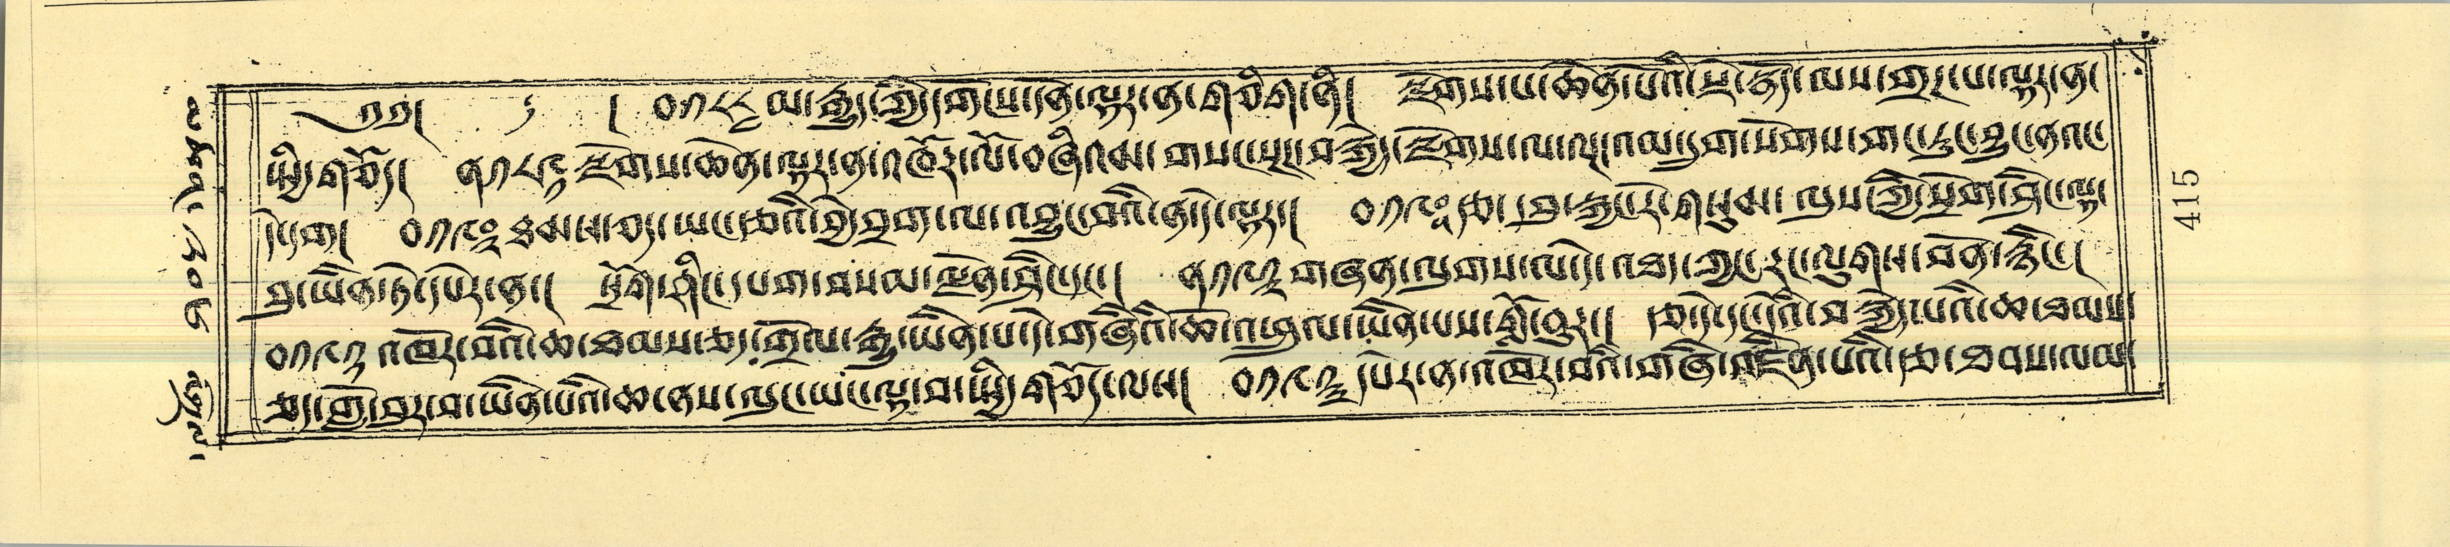བ༡༨༨།༤མ་རྒྱུད་ཀྱི་དགོངས་དོན་ལྟར་ན་གཅིག་ནི་ རྫོགས་པ་ཆེན་པོའི་སྡེ་སྣོད་ནས་གྲགས་པ་ལྟར་ན་
སྤྱི་གཅོད་ ན༡༨༩།༡རྫོགས་ཆེན་ལྟར་ན་འཁོར་ལོ་བཞིའམ་གསང་སྔགས་བསྐྱེད་རྫོགས་ལ་ལྔའམ་དྲུག་སོགས་གང་རུང་བྱུང་ནའང་
དེ་དག་ བ༡༩༠།༢ཐམས་ཅད་ཡང་རྩའི་བྱེ་བྲག་ལ་འབྱུང་བས་ན་དེ་ལྟར་ བ༡༩༠།༥རྩ་དབུ་རྐྱང་རོ་གསུམ་ལུས་ཀྱི་སྲོག་ཤིང་ལྟ་
བུ་ཡིན་ཏེ། དཔེར་ན། སྲོག་ཤིང་དཔག་བསམ་ལྗོན་ཤིང་དང་། ན༡༩༡།༢གཞན་ལུགས་ལ་དེ་འཐད་ཀྱང་རང་ལུགས་བོན་རྙིང་
བ༡༩༡།༡ འཁོར་བའི་ཆ་ཐམས་ཅད་གྲོལ་རྒྱུ་ཡིན་པ་དེ་གཞིའི་ཆོ་འཕྲུལ་ཡིན་པས་གློ་བུར། རྩ་དེ་དང་དེའི་བསྐྱེད་པའི་ཆ་ཐམས་
ཅད་གློ་བུར་བ་ཡིན་པའི་ཆ་ནས་ལུང་ཡང་ལྟ་བ་སྤྱི་གཅོད་ལས་ བ༡༩༡།༣དཔེར་ན་འཁོར་བའི་གཞི་འཛིན་པའི་རྩ་ཐབས་ལམ་